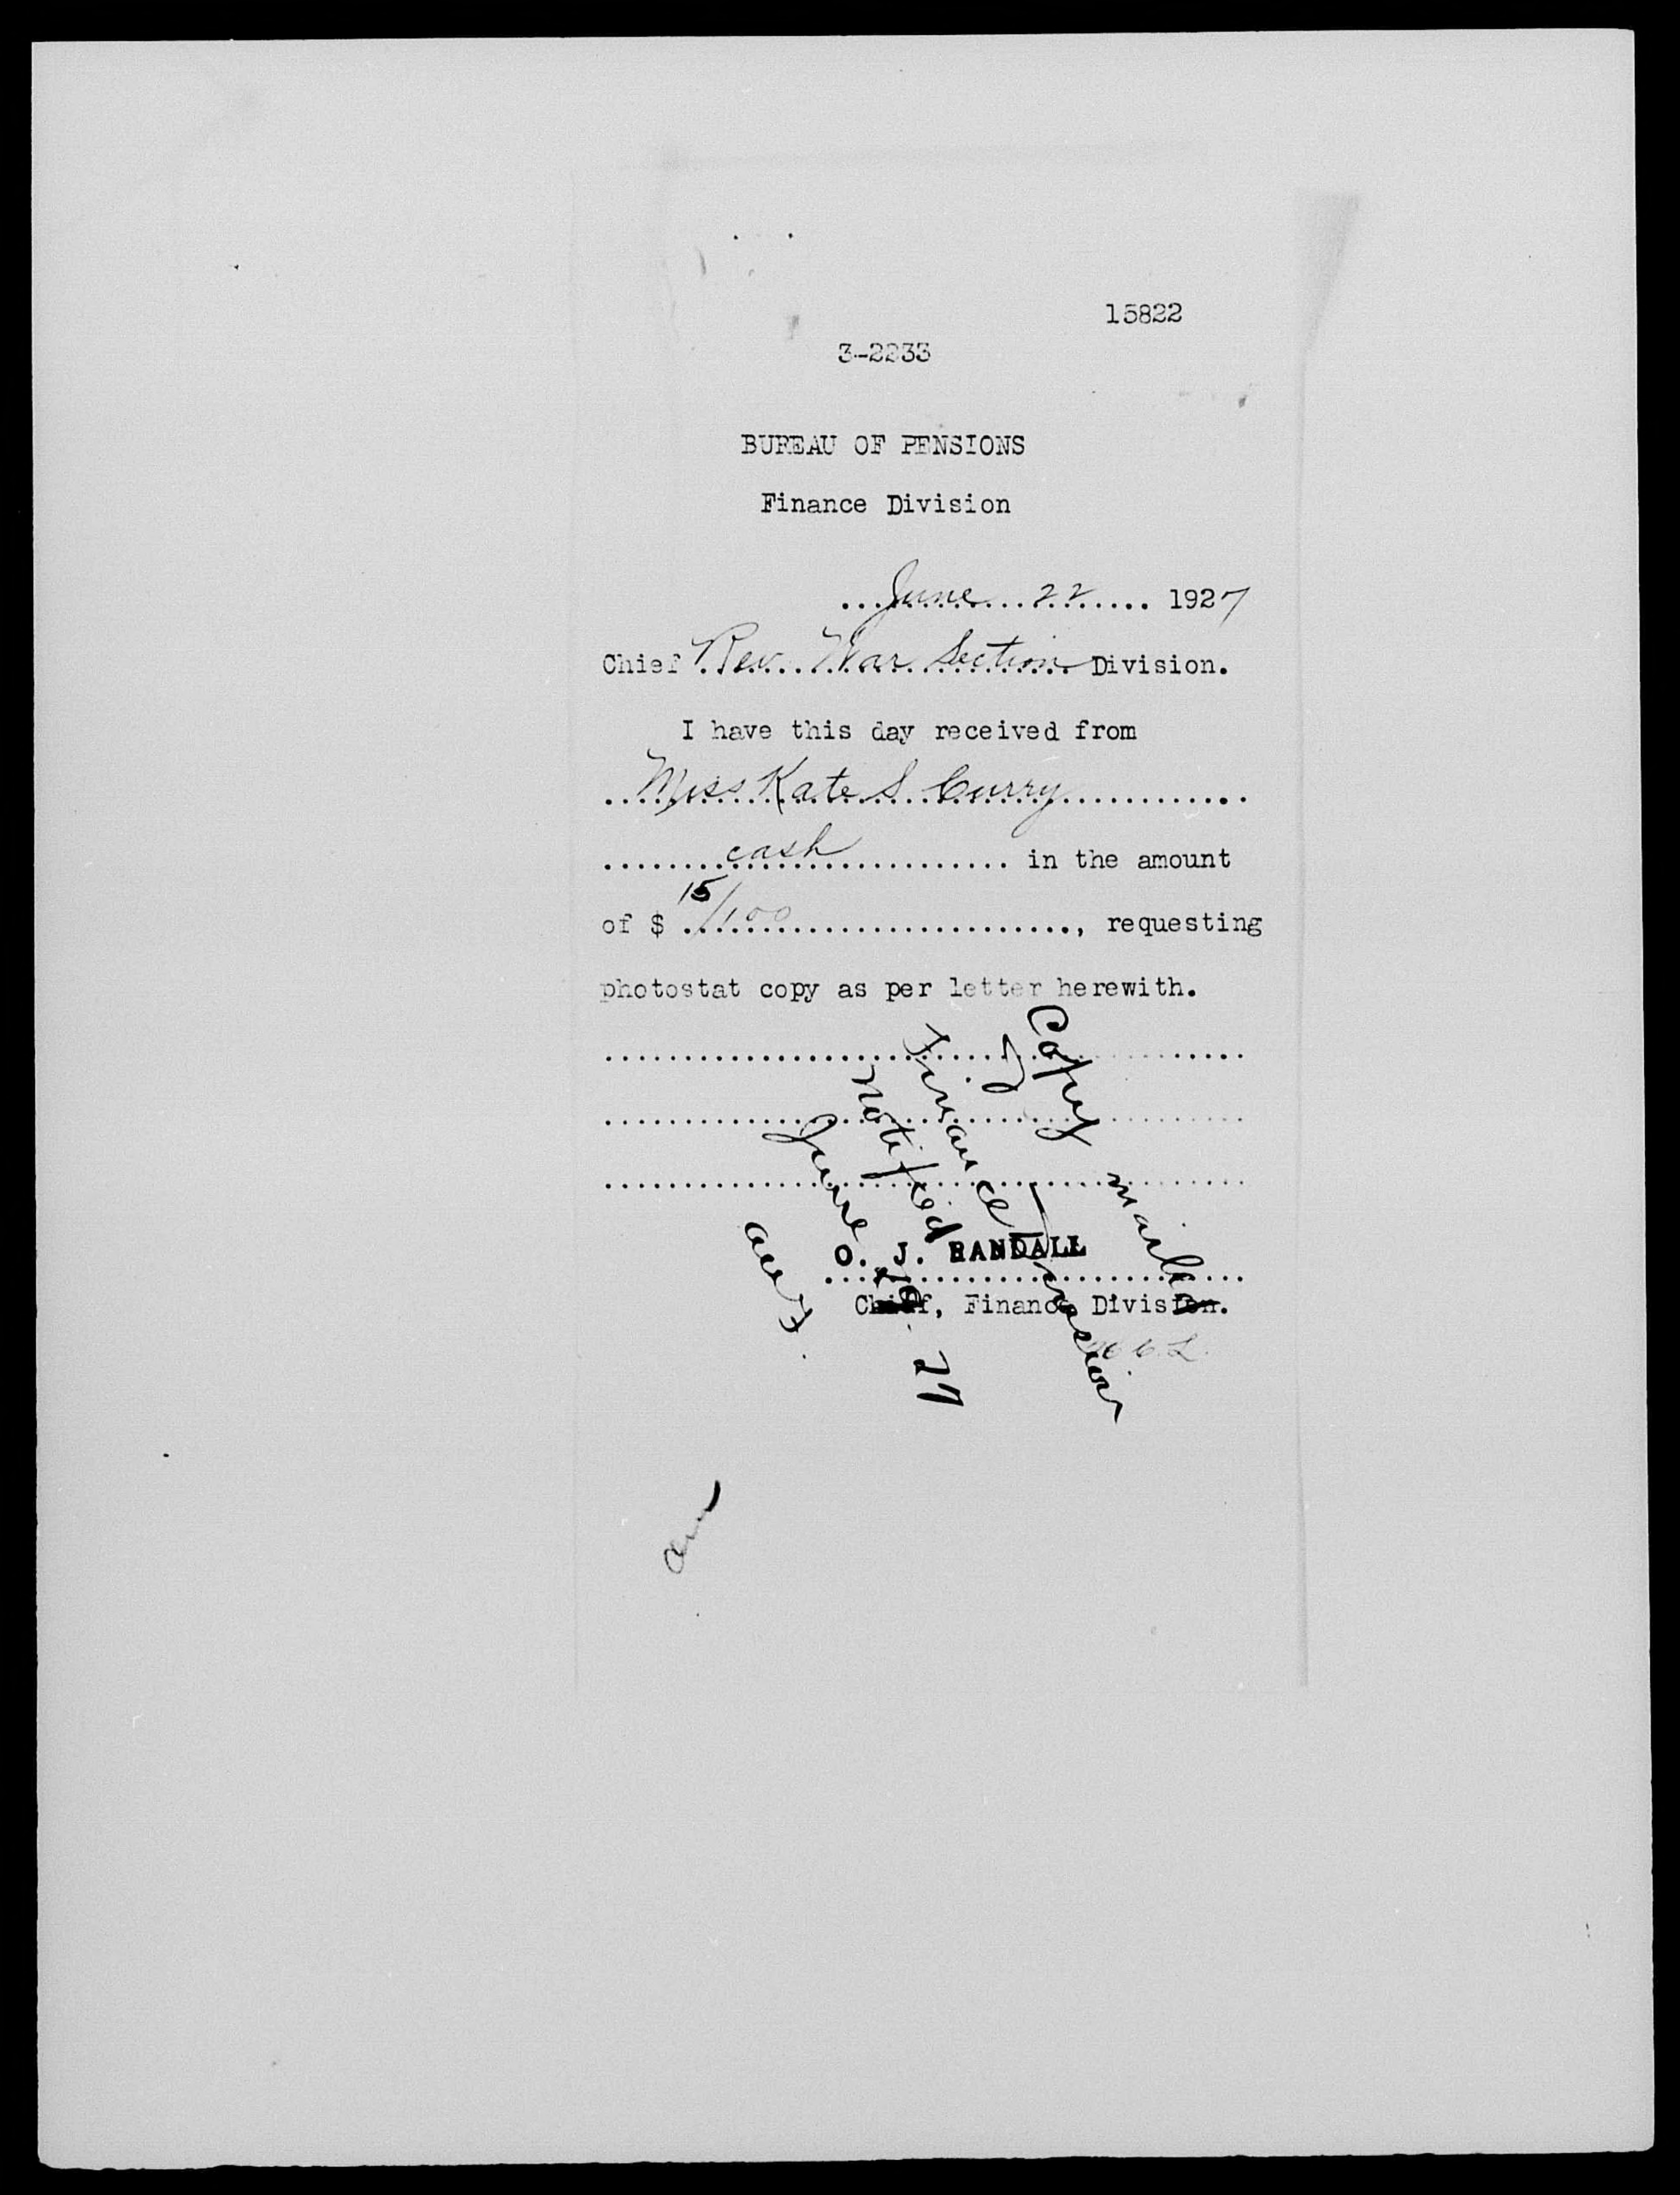15822
3-2233
BUREAU OF PENSIONS 
Finance Division 
June 27, 1927
Chief Rev War Section Division. 
I have this day received from Miss Kate S. Curry Cash in the amount of $15/100 requesting photostat copy as per letter herewith. 
Copy mailed  Finance Division notified. June 1927 awf. O.J. Randall Chief, Finance Division.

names: O J Randall, Kate S Curry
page: 16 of 46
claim: widow's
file: W. 23,673, John Brisler, Mass.